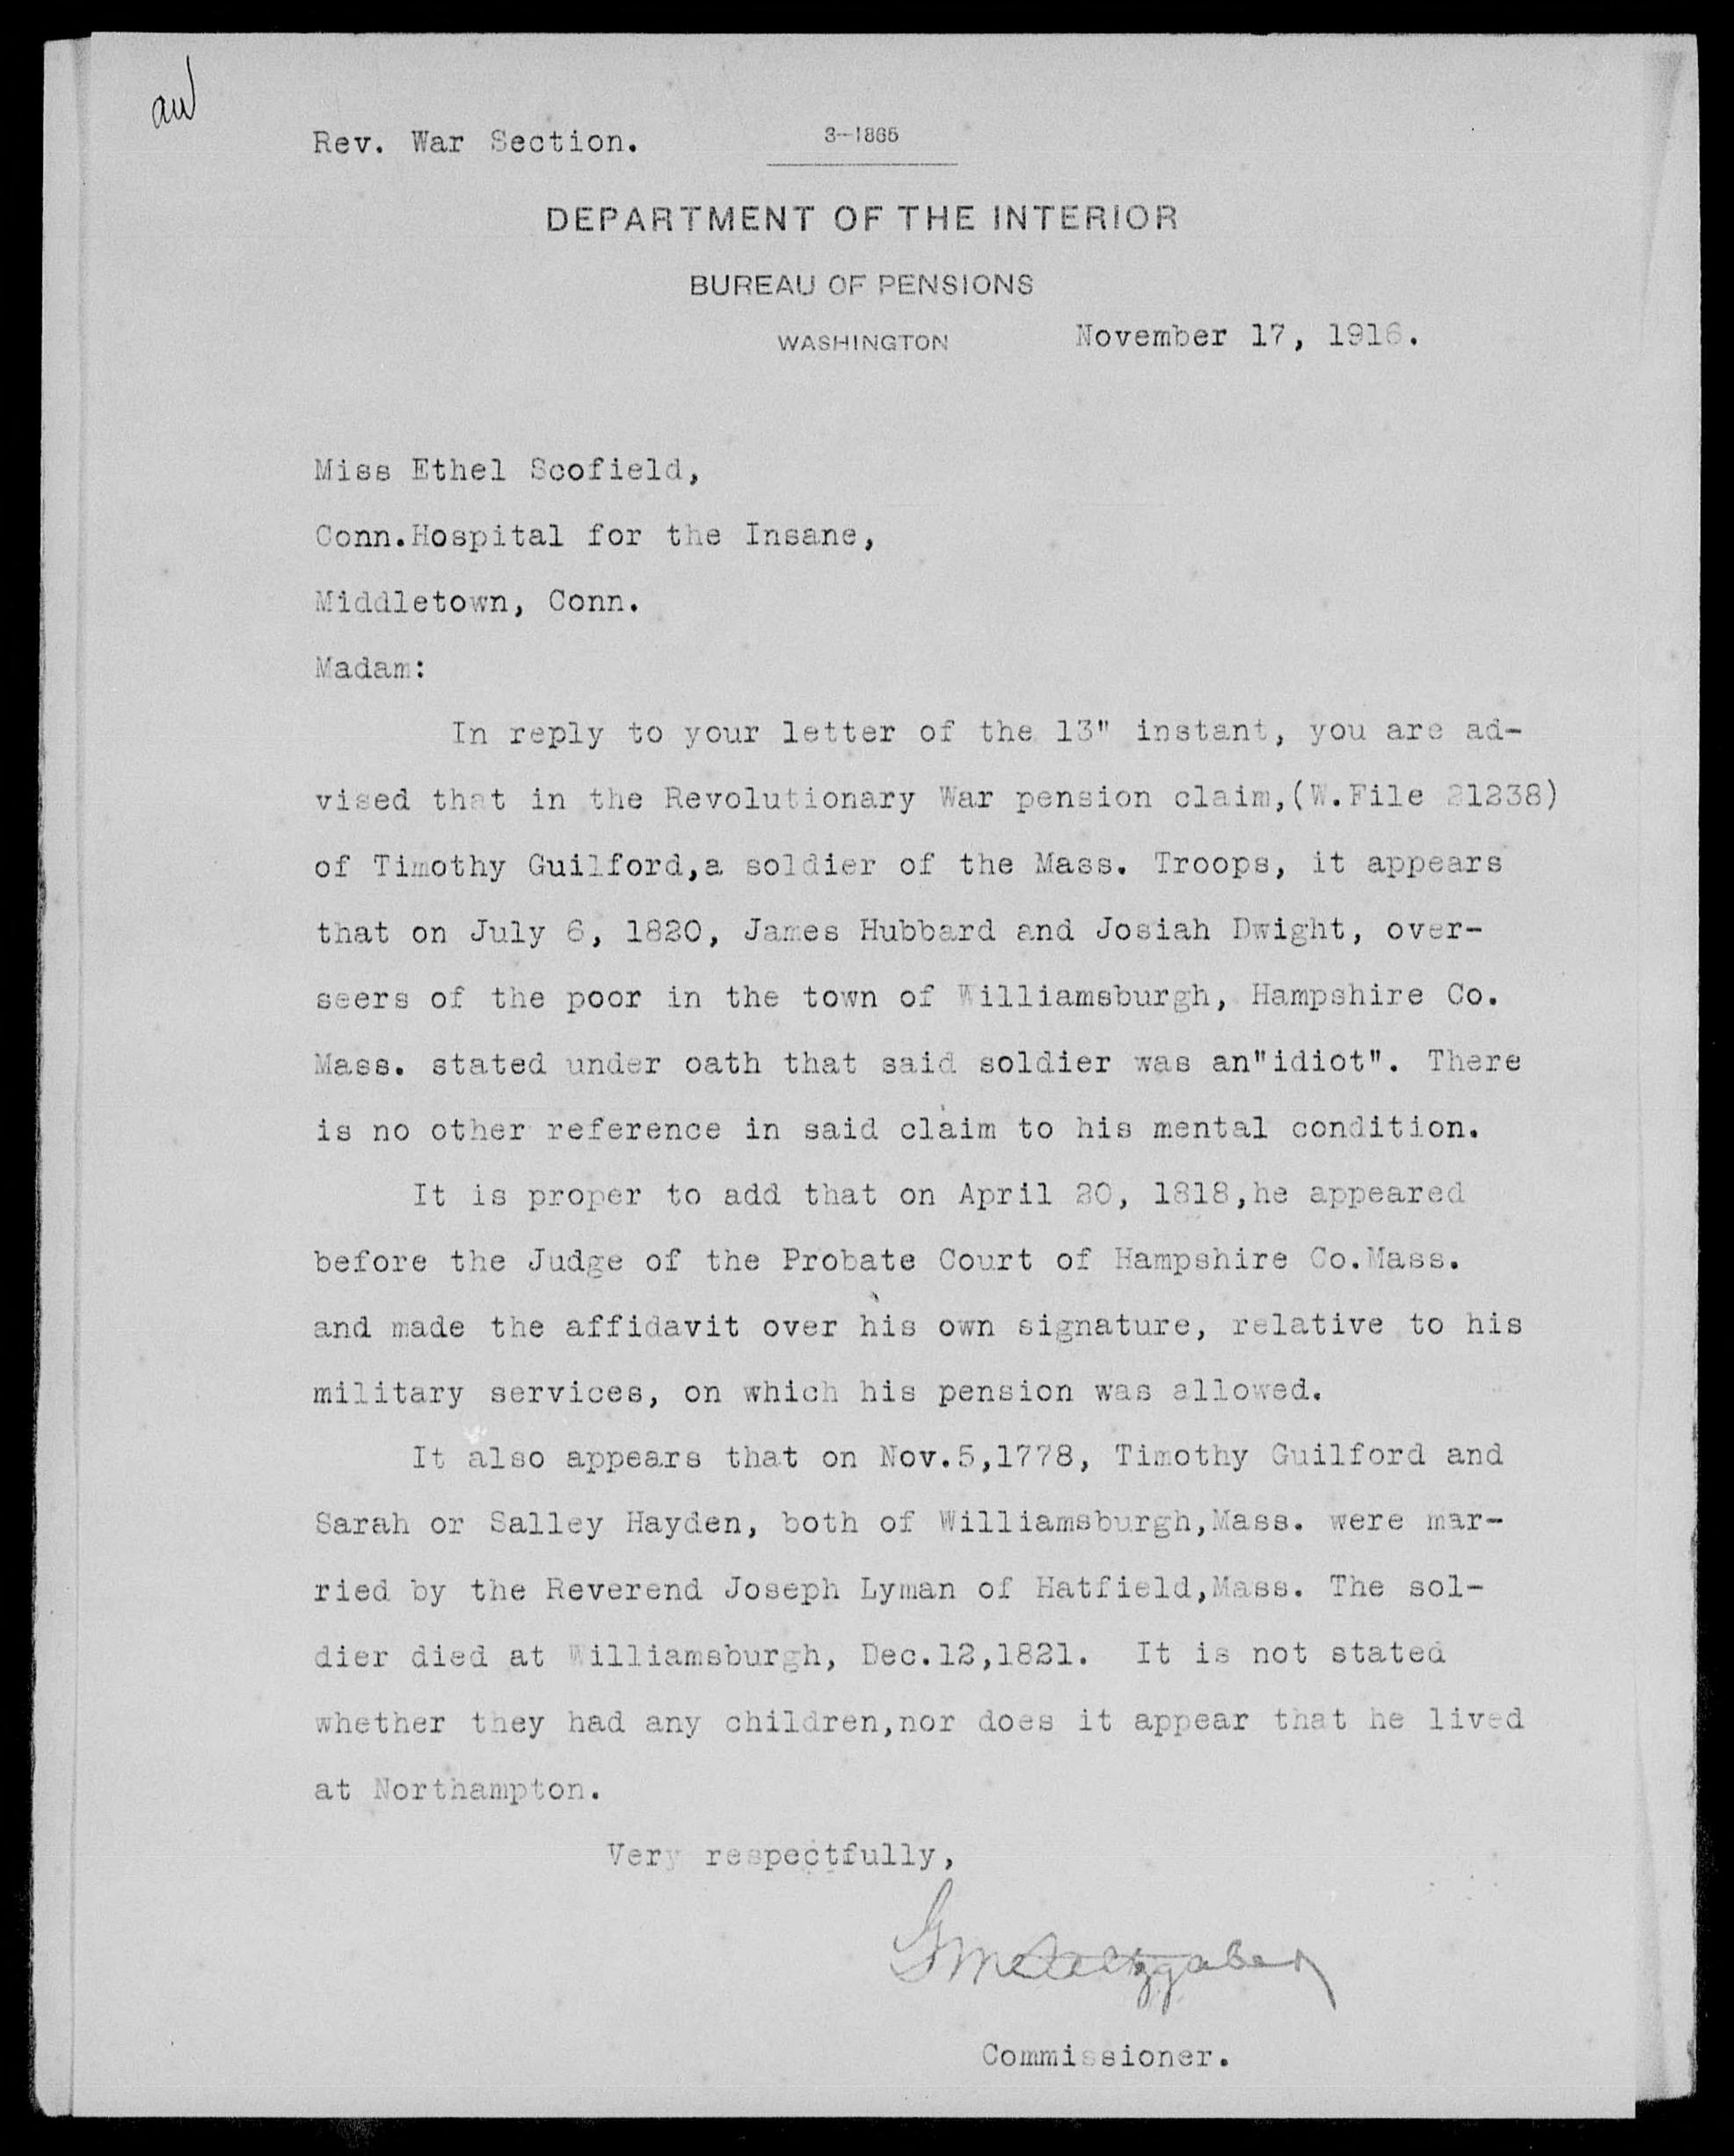[added by hand in upper left "aw"]
Rev. War Section.
3-1865
Department of the Interior
Bureau of Pensions
Washington
November 17, 1916

Miss Ethel Scofield,
Conn.Hospital for the Insane,
Middletown, Conn.
Madam:
In reply to your letter of the 13" instant, you are advised that in the Revolutionary War pension claim,(W.File 21238) of Timothy Guilford,a soldier of the Mass. Troops, it appears that on July 6, 1820, James Hubbard and Josiah Dwight, overseers of the poor in the town of Williamsburgh, Hampshire Co. Mass. stated under oath that said soldier was an"idiot". There is no other reference in said claim to his mental condition.
It is proper to add that on April 20, 1818, he appeared before the Judge of the Probate Court of Hampshire Co.Mass. and made the affidavit over his own signature, relative to his military services, on which his pension was allowed.
It also appears that on Nov.5,1778, Timothy Guilford and Sarah or Salley Hayden, both of Williamsburgh,Mass. were married by the Reverend Joseph Lyman of Hatfield,Mass. The soldier died at Williamsburgh, Dec.12,1821. It is not stated whether they had any children,nor does it appear that he lived at Northampton.
Very respectfully,
G W Saltzgaber
Commissioner.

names: Timothy Guilford, Ethel Scofield, Timothy Guilford, Josiah Dwight, Joseph Lyman, James Hubbard, Salley Hayden, G W Saltzgaber, Sarah Hayden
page: 19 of 26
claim: widow's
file: W. 21,238, Timothy Guilford, Mass.